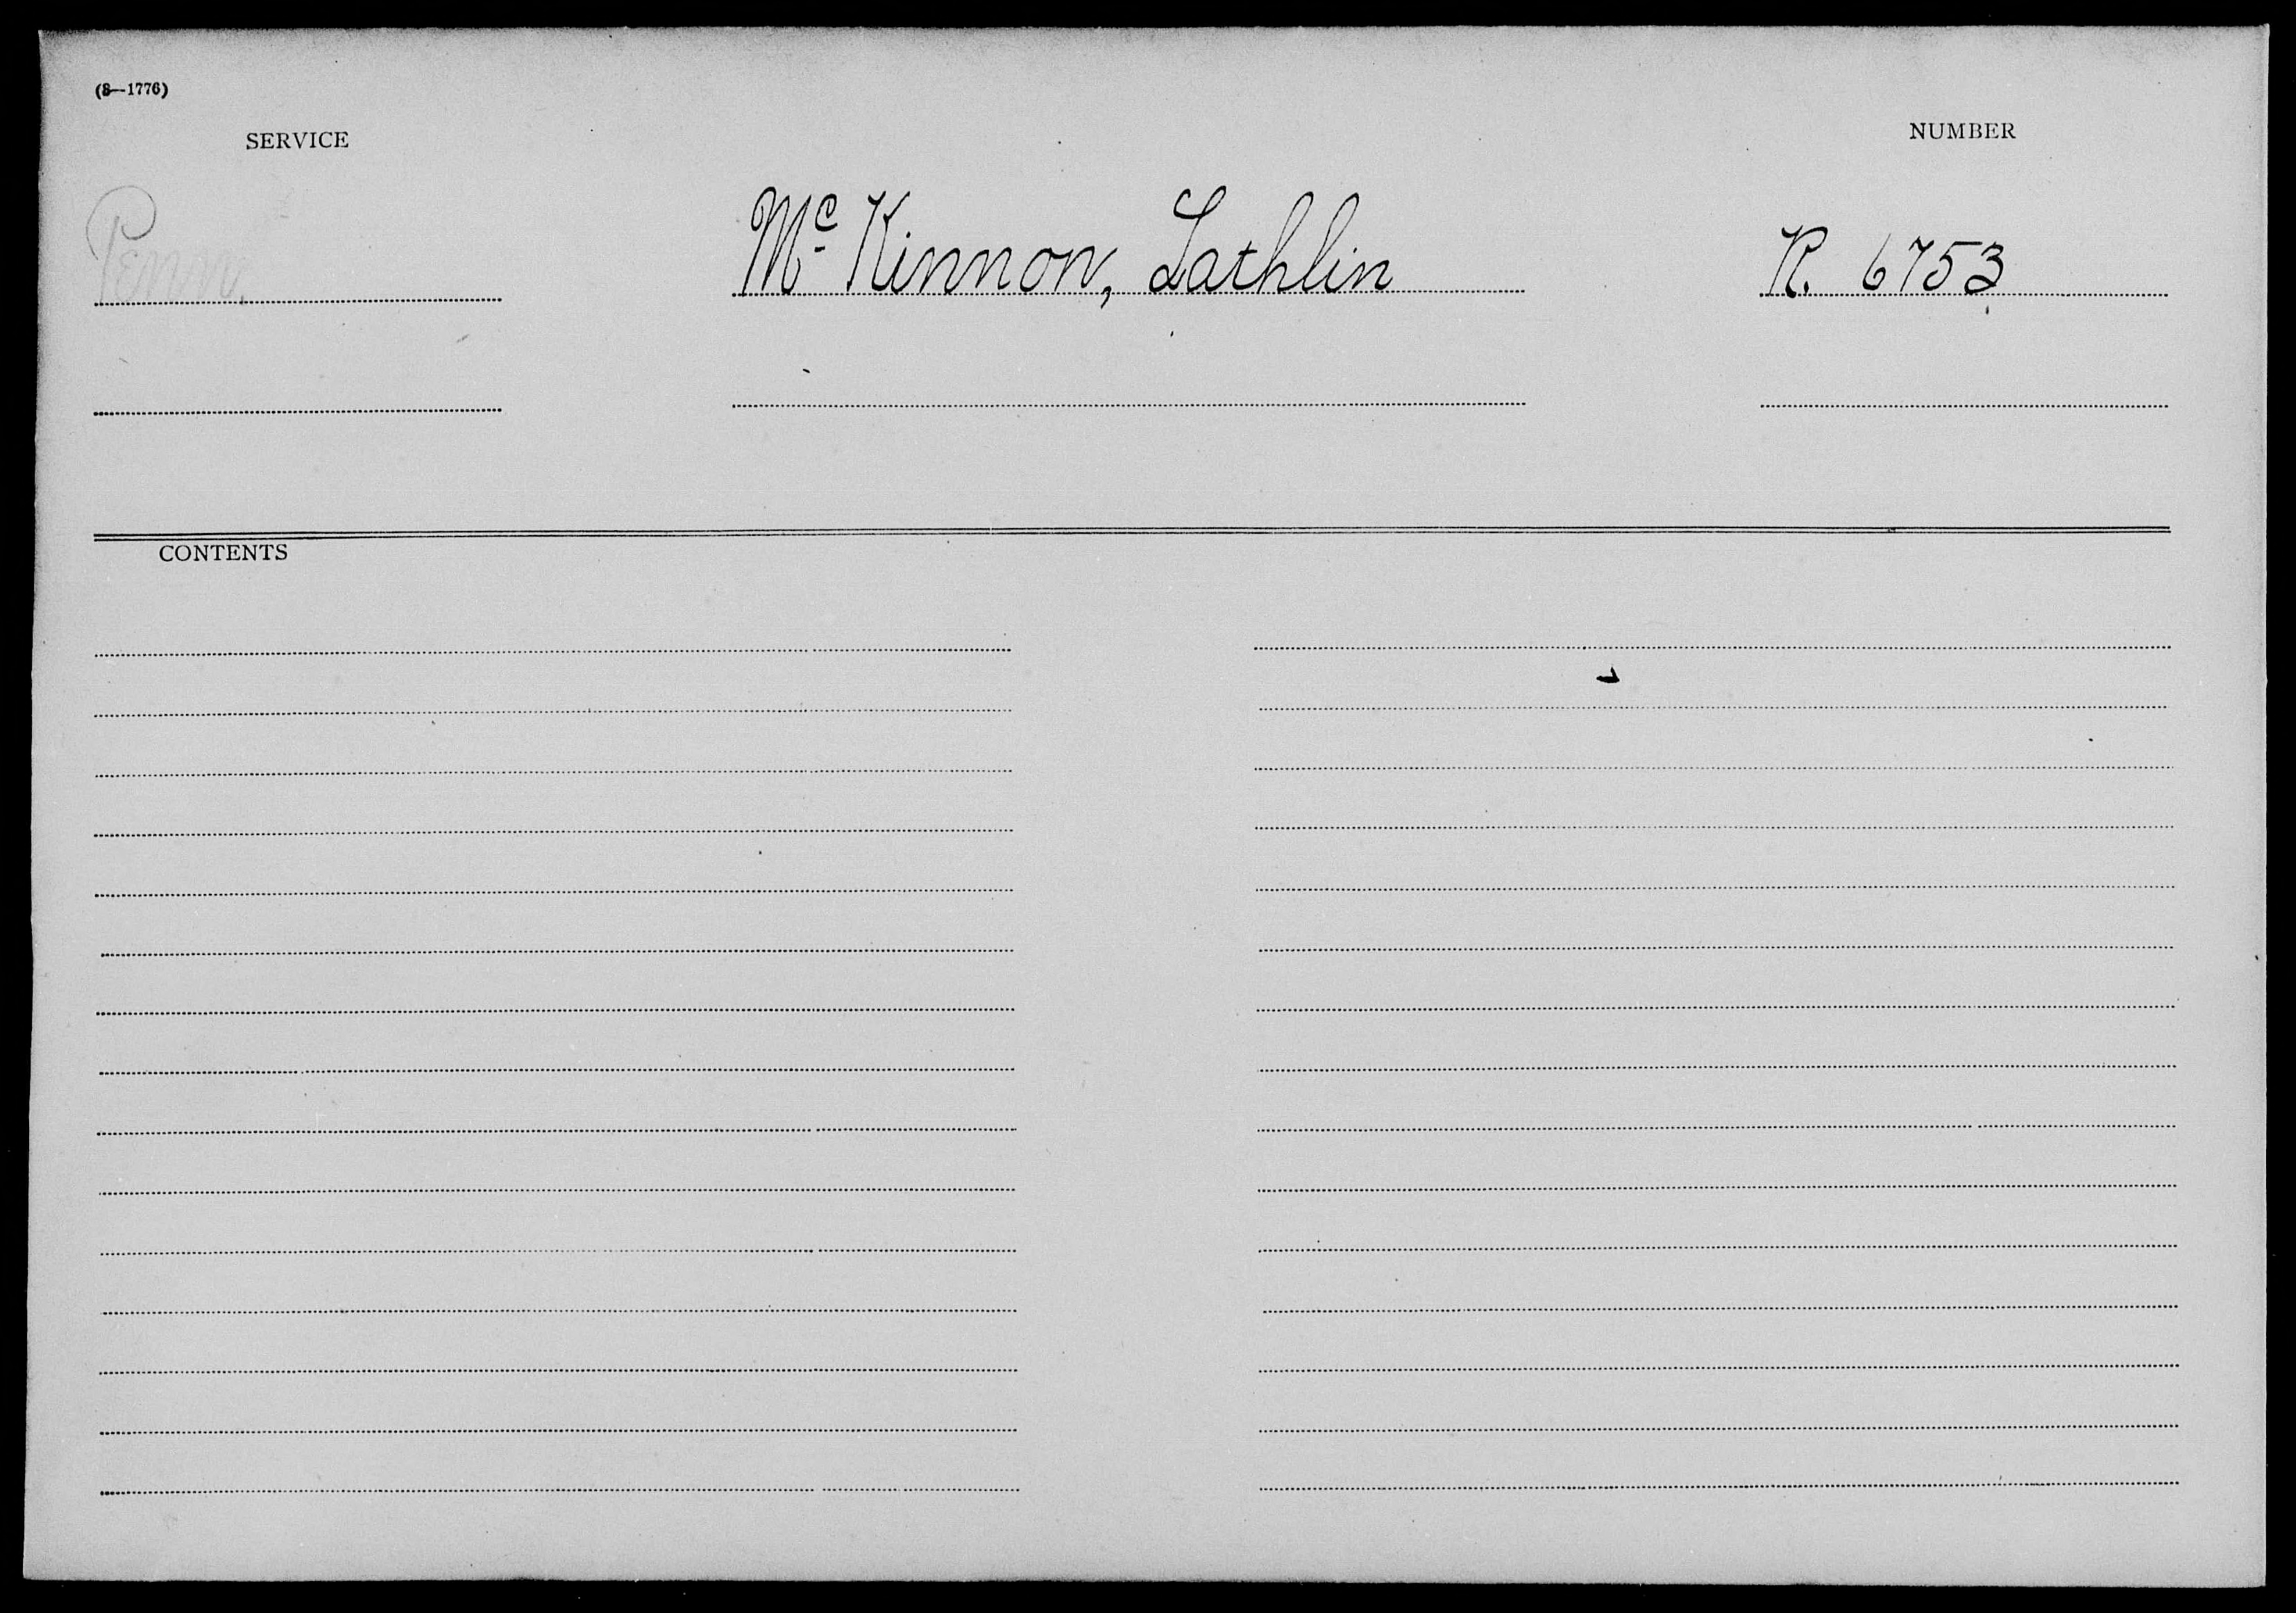Pennsylvania

McKinnon, Lathlin

R.6753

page: 1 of 13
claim: rejected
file: R. 6753, for Lathlin Mc Kinnon, Pennsylvania